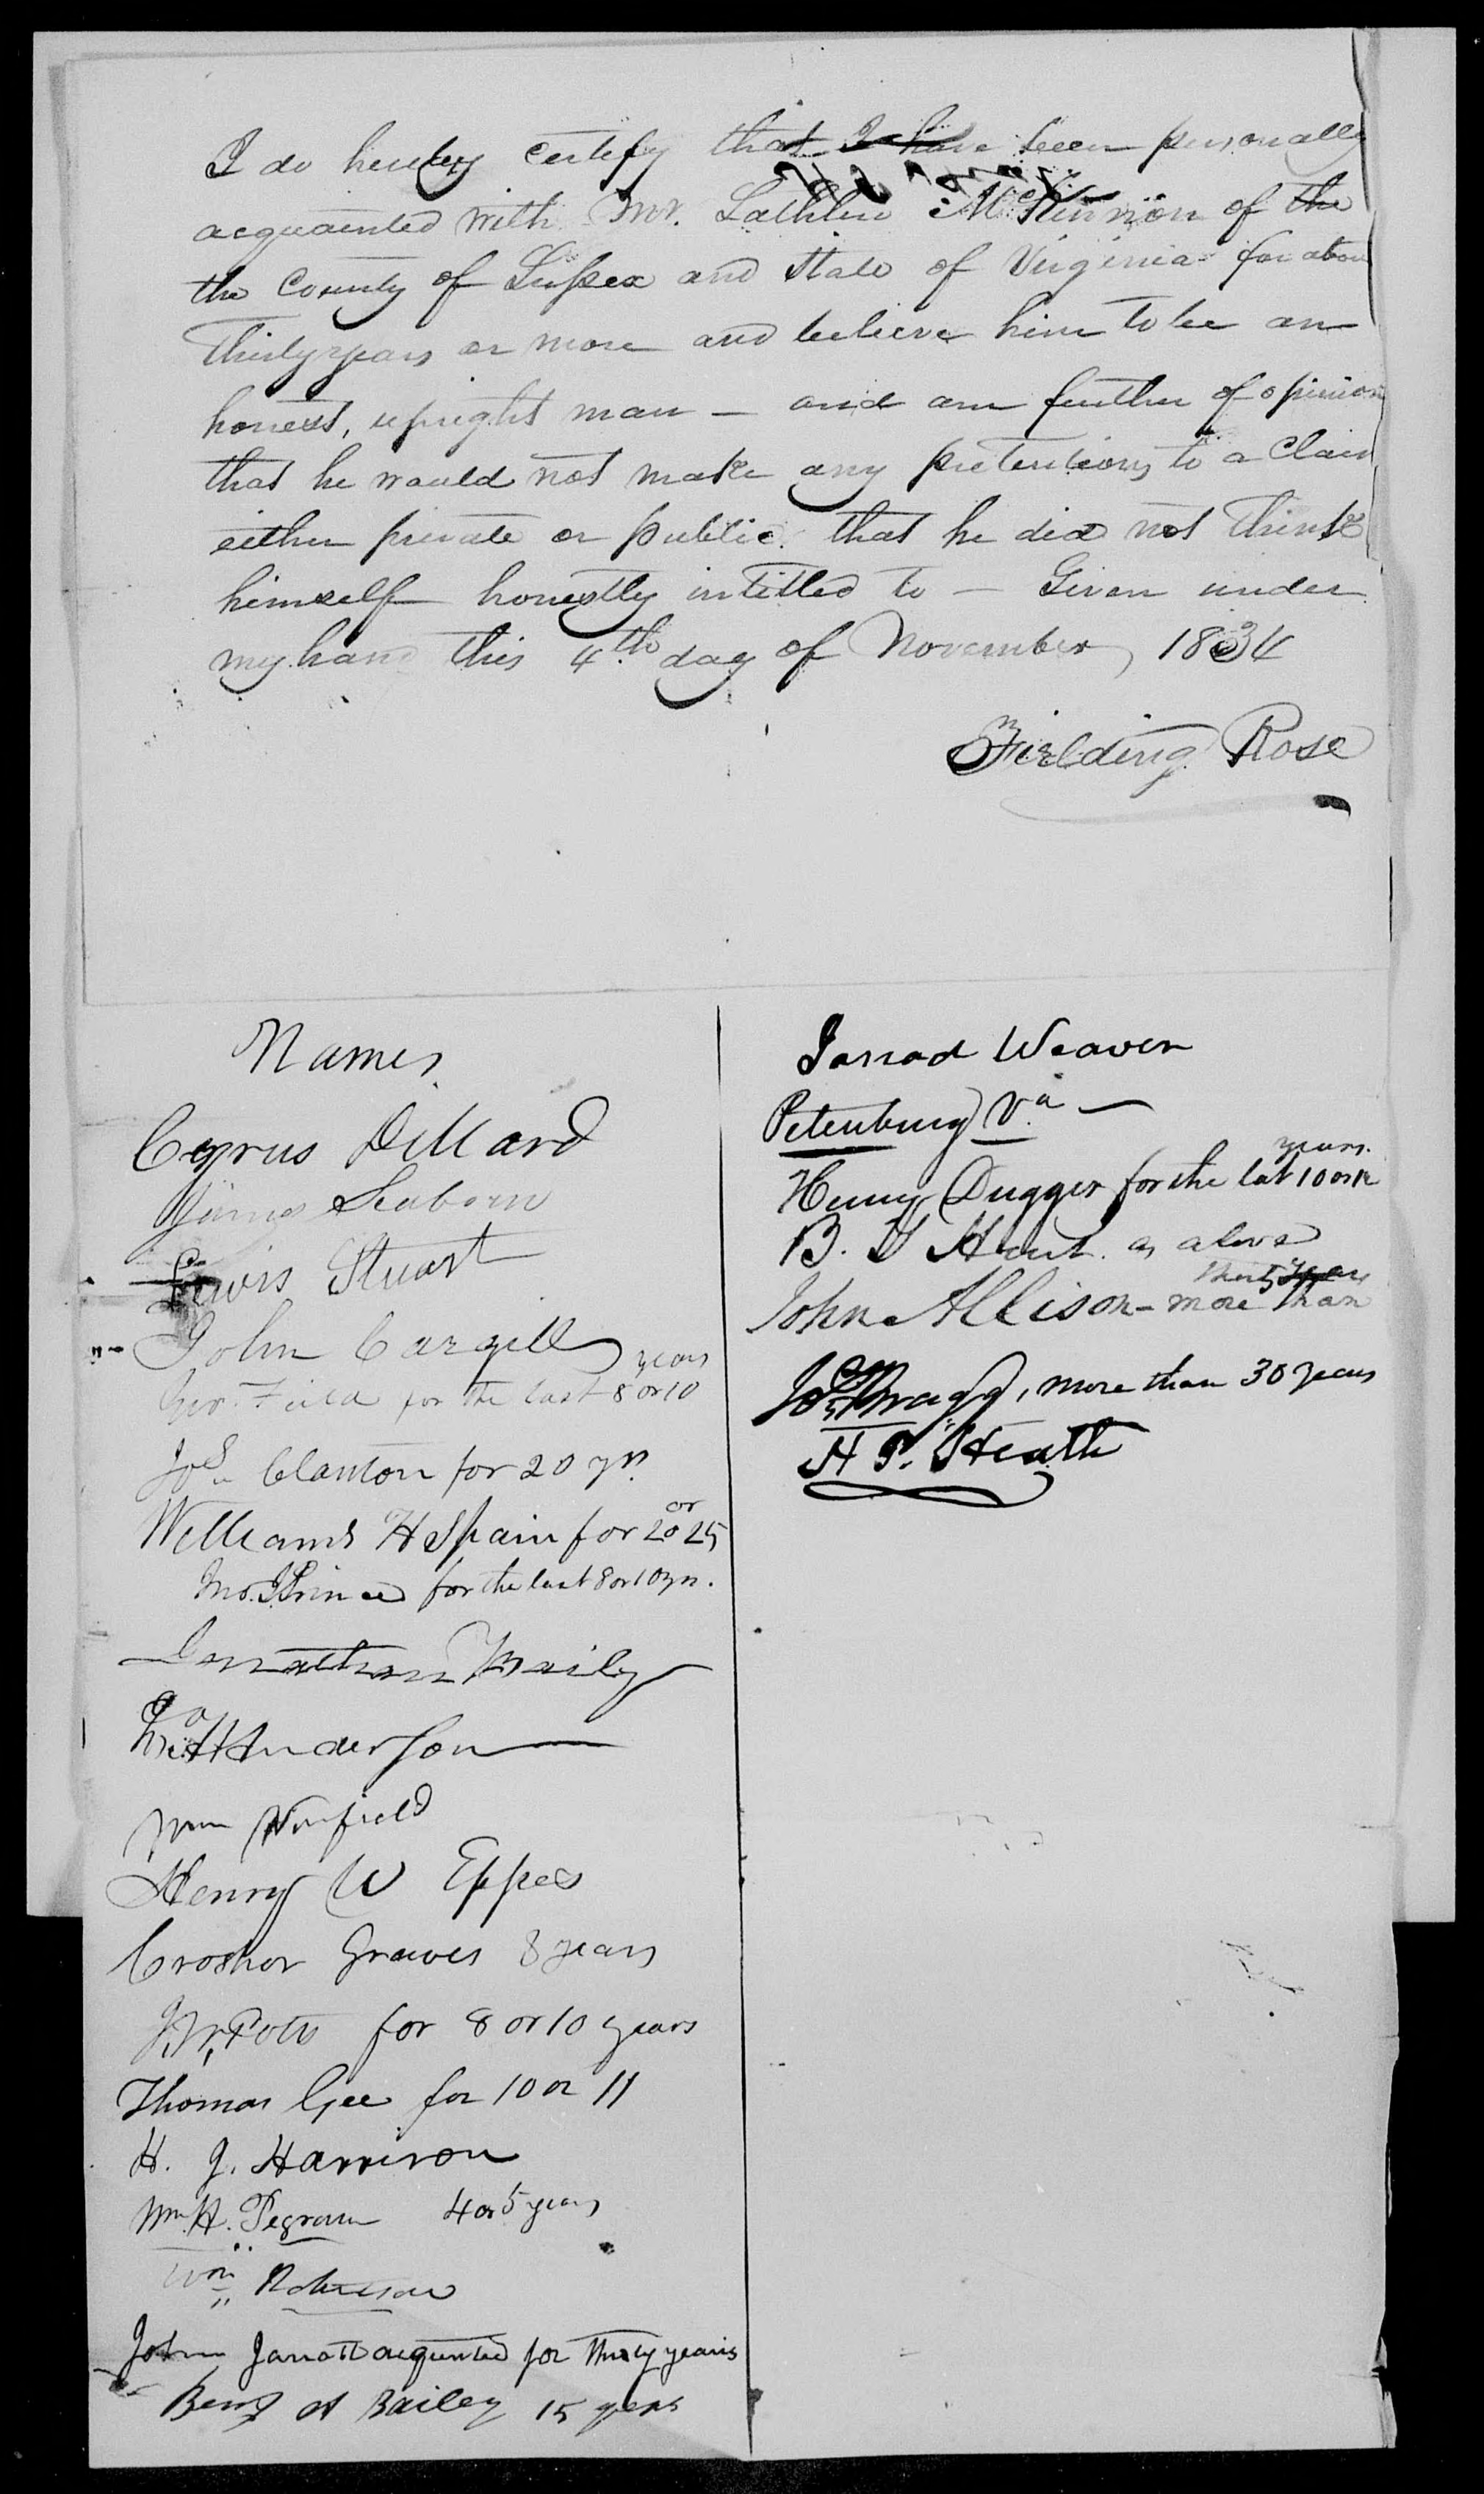I do hereby certify that I have beeeen [been] personally acquainted with Mr. Lathlin McKinnon of the County of [indiscernible] and State of Virginia for about thirty years as [indiscernible] and believe him to be an honest, upright man - and an [?] of a [?] that he would not make any pretentions to a claim either private or public that he did not think himself honestly instilled to - Given under my hand this 4th day of November  1834.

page: 13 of 13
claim: rejected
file: R. 6753, for Lathlin Mc Kinnon, Pennsylvania